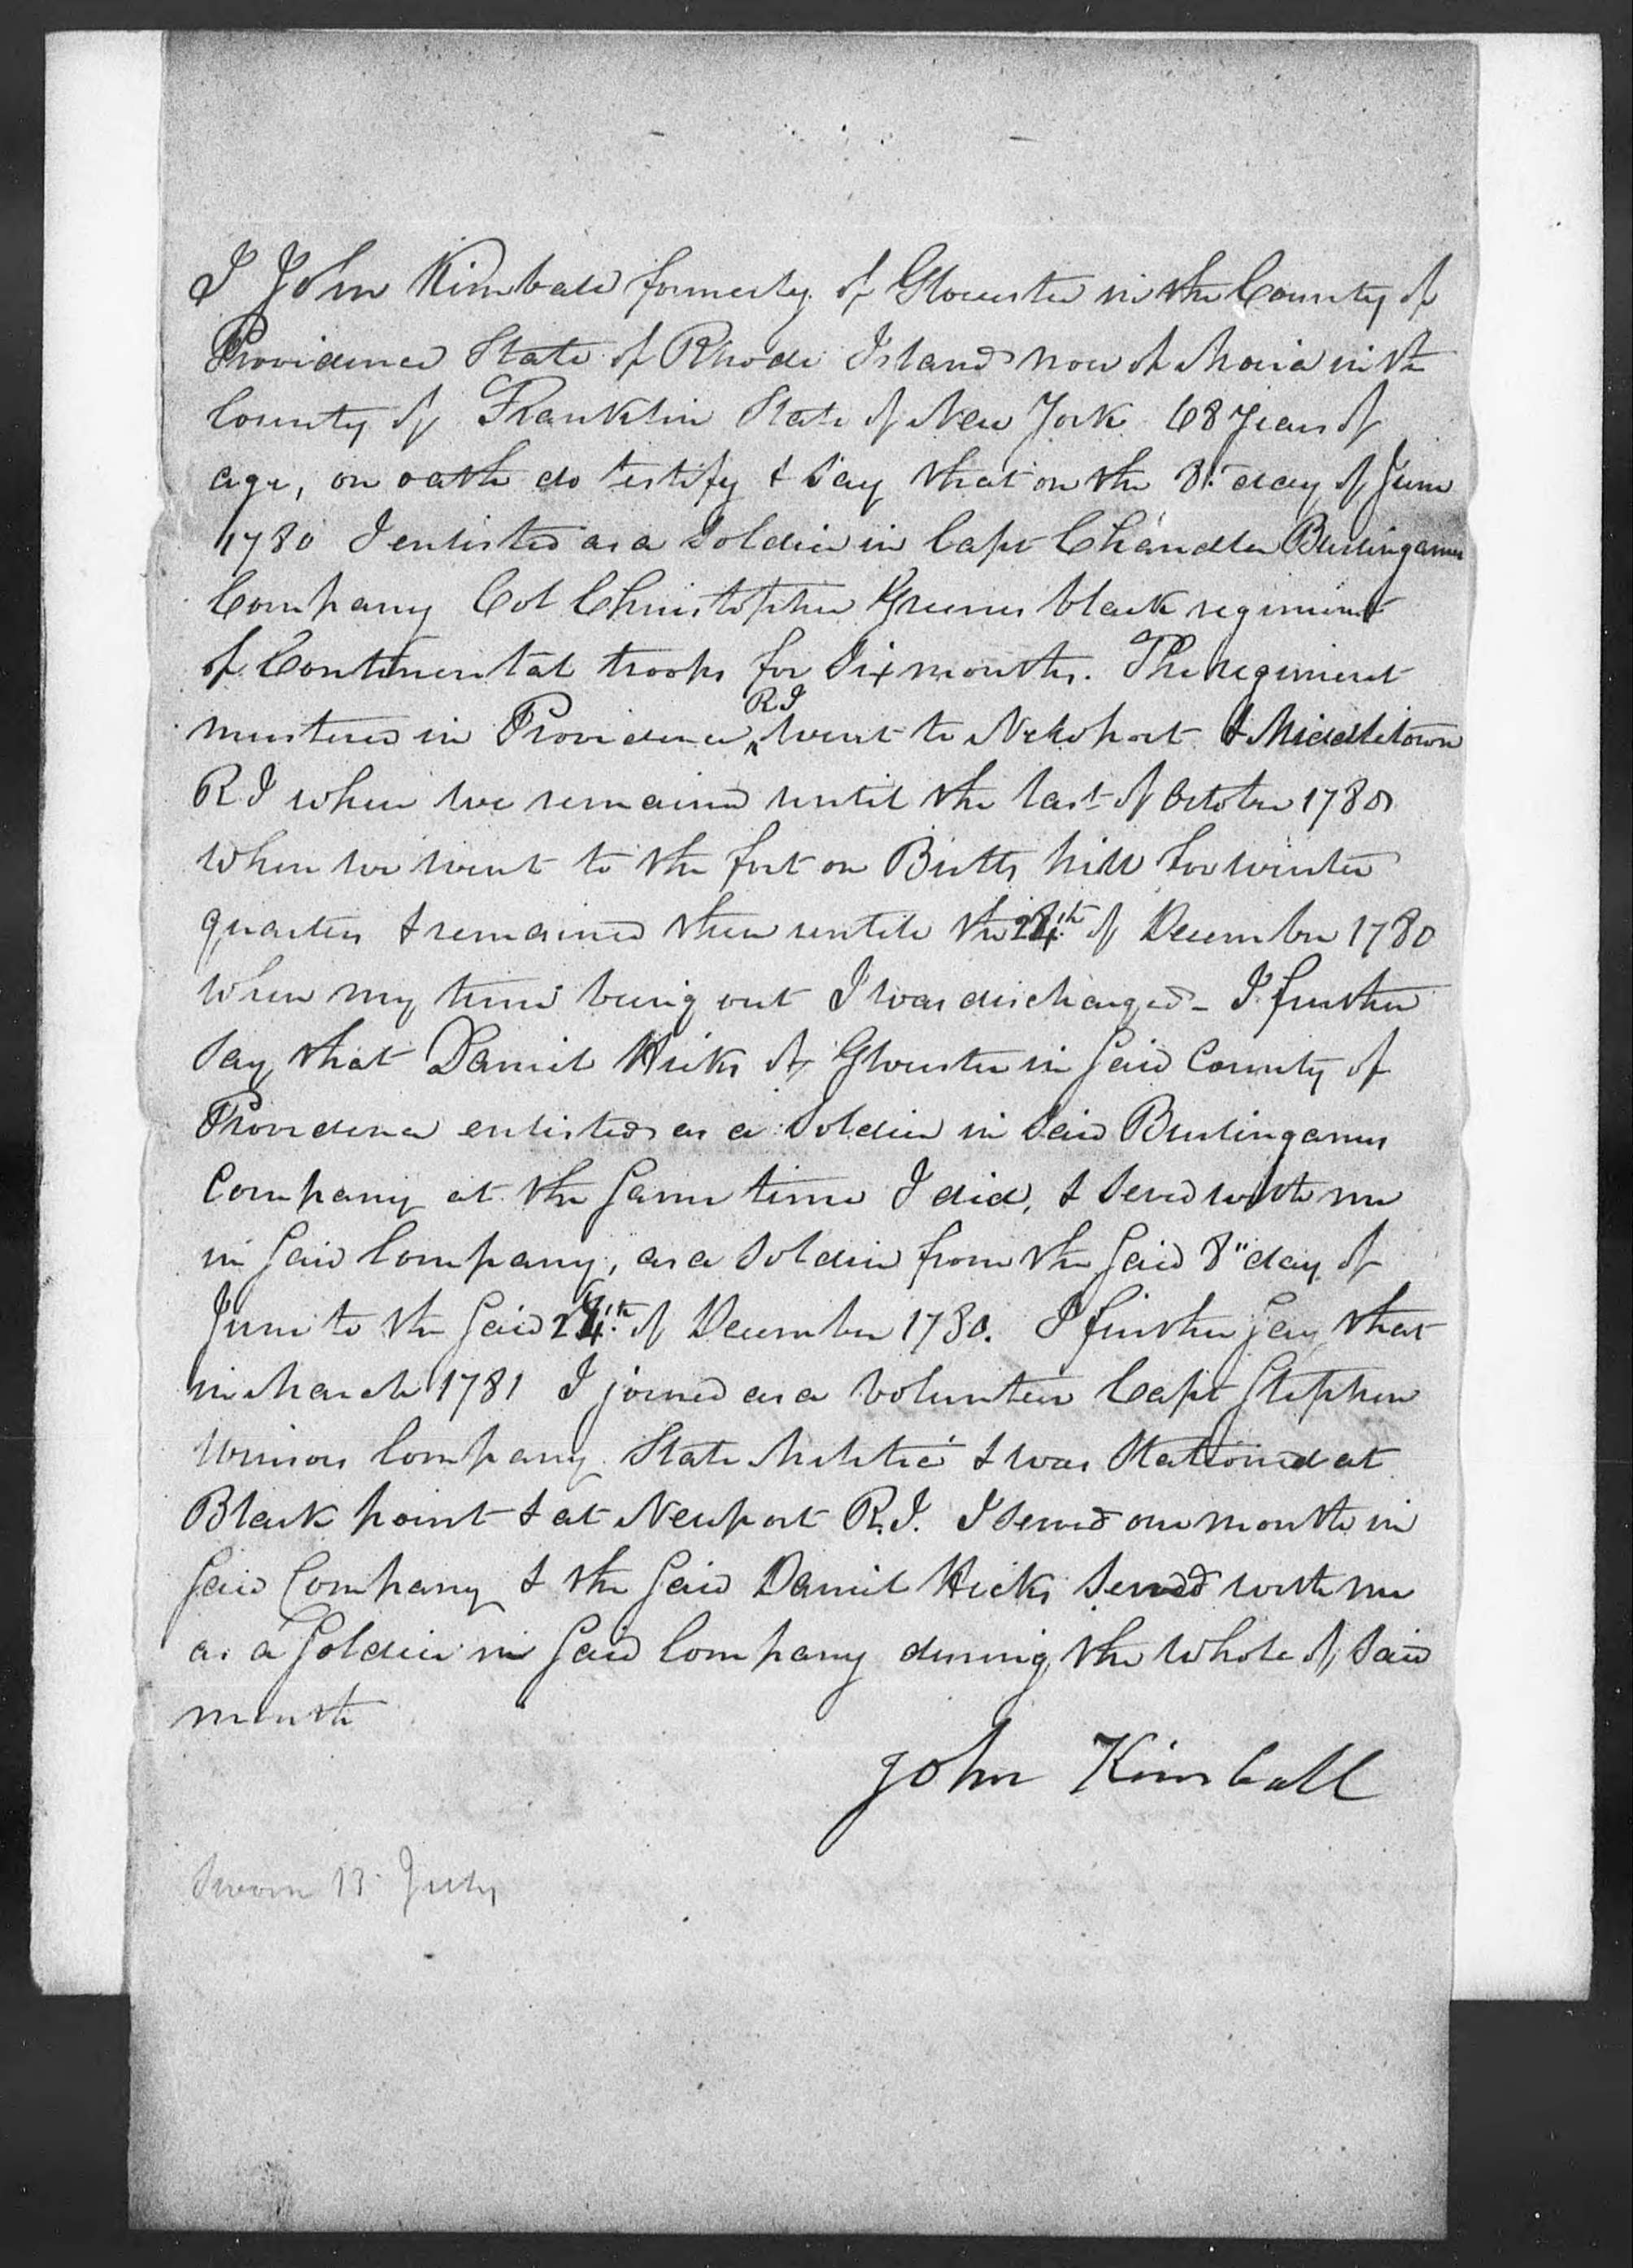I John Kimball formerly of Glocester in the County of
Providence State of Rhode Island now of [illegible] in the
County of Franklin State of New York 68 years of
age, on oath do testify & say that on the day of June
1780 I enlisted as a Soldier in Capt Chandler Burlingame
Company Col Christopher Greene black regiment
of Continental troops for six months. The Regiment
mustered in Providence RI went to Newport & Middletown
R I when we remained until the last of October 1780
when we went to the fort on Butts hill for winter
quarters & remained there until the 28th of December 1780
When my time being out I was discharged. I further
say that Daniel Hicks at Glouster in said County of
Providence enlisted as a soldier in said Burlingame
Company at the same time I did, I served with me
in said Company as a soldier from the said 8" day of
June to the said 24th of December 1780. I further say that
in March 1781 I joined as a volunteer Capt Stephen
or Company State Militia & was stationed at
Black Point & at Newport R. I. I served one month in
said Company & the said Daniel Hicks served with me
as a soldier in said Company during the whole of said
month
John Kimball
Sworn 13 July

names: Daniel Hicks, Daniel Hicks, John Kimball, Christopher Green, John Kimball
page: 7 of 17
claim: survivor's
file: S. 21285, Daniel Hicks, R.I.